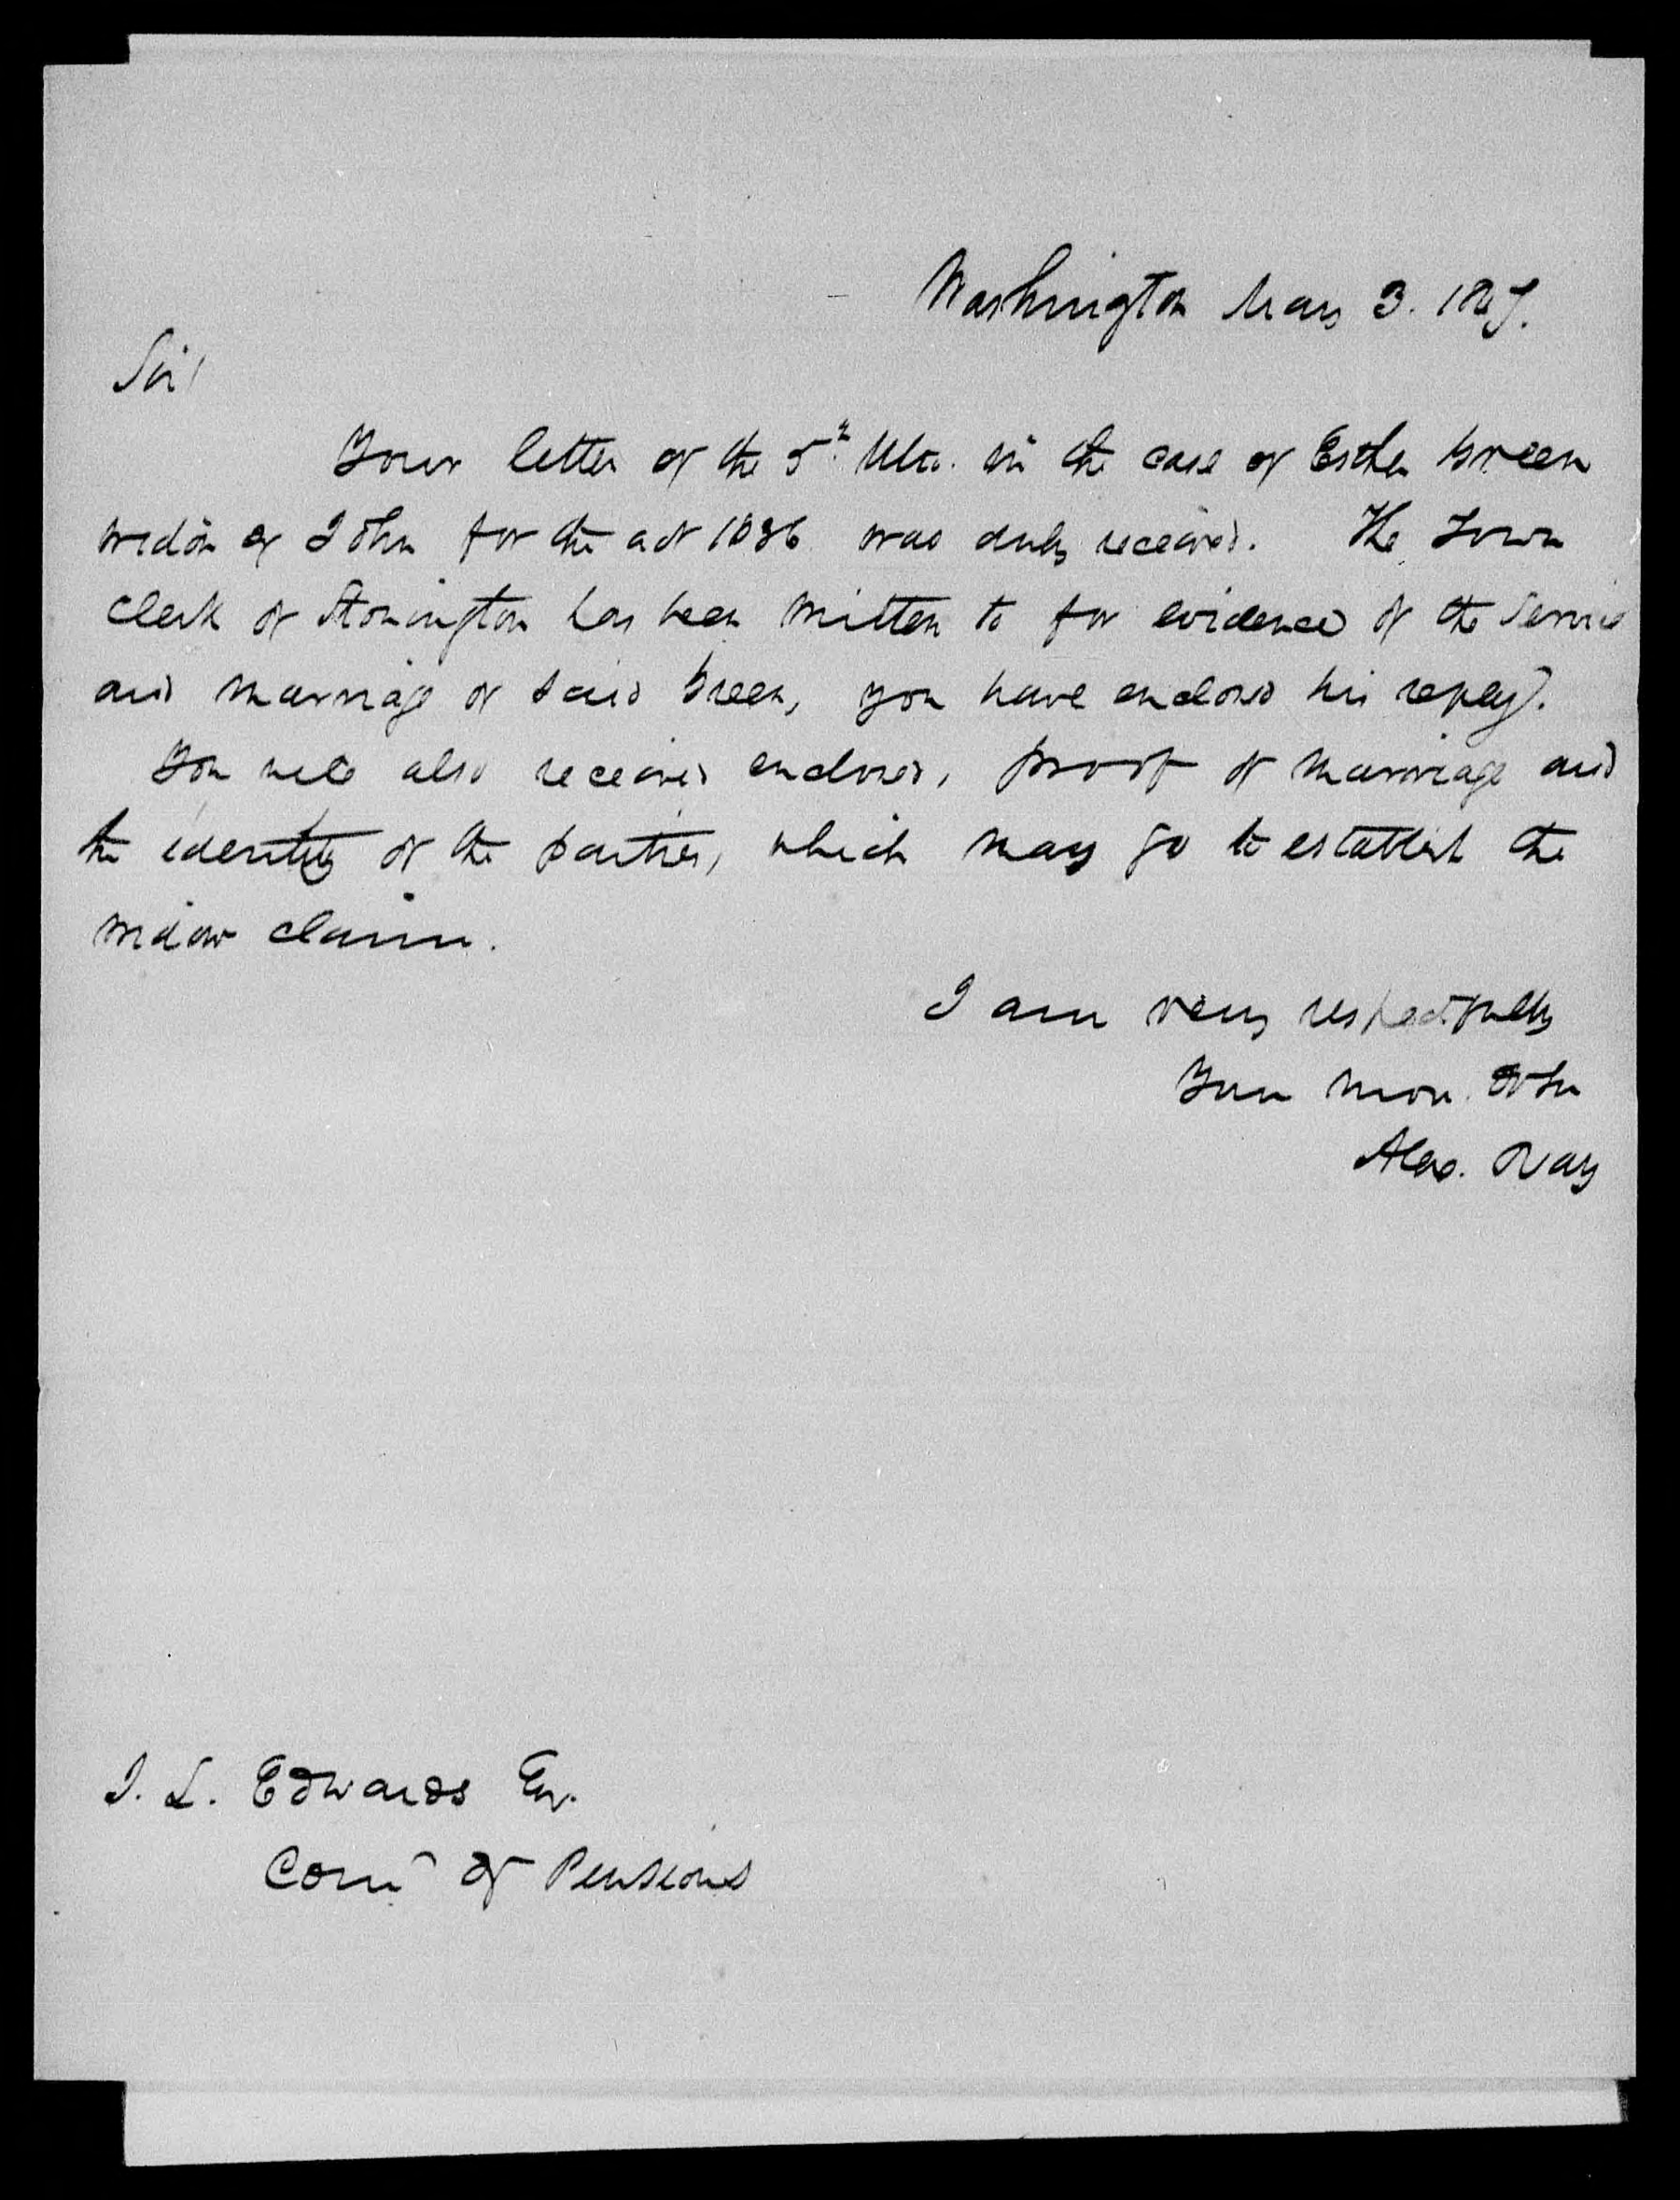Washington May 3 1867
Sir
Your letter of the 5th ... in the case of Esther Green widow of John for the Act 1836 was duly received. The town clerk of Stonington has her written to for evidence of the service and marriage of said Green. You have endorsed his reply. You ... also received endorsed proof of marriage and the identity of the parties, which may go to establish the widow claim. 

I am very respectfully 
... .... ....
Alex Nay
T. L. Edwards Esq
Com of Pensions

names: J L Edwards, John, Green, Esther Green, Alex Ray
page: 37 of 40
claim: rejected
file: R. 4251, John Green, Conn.